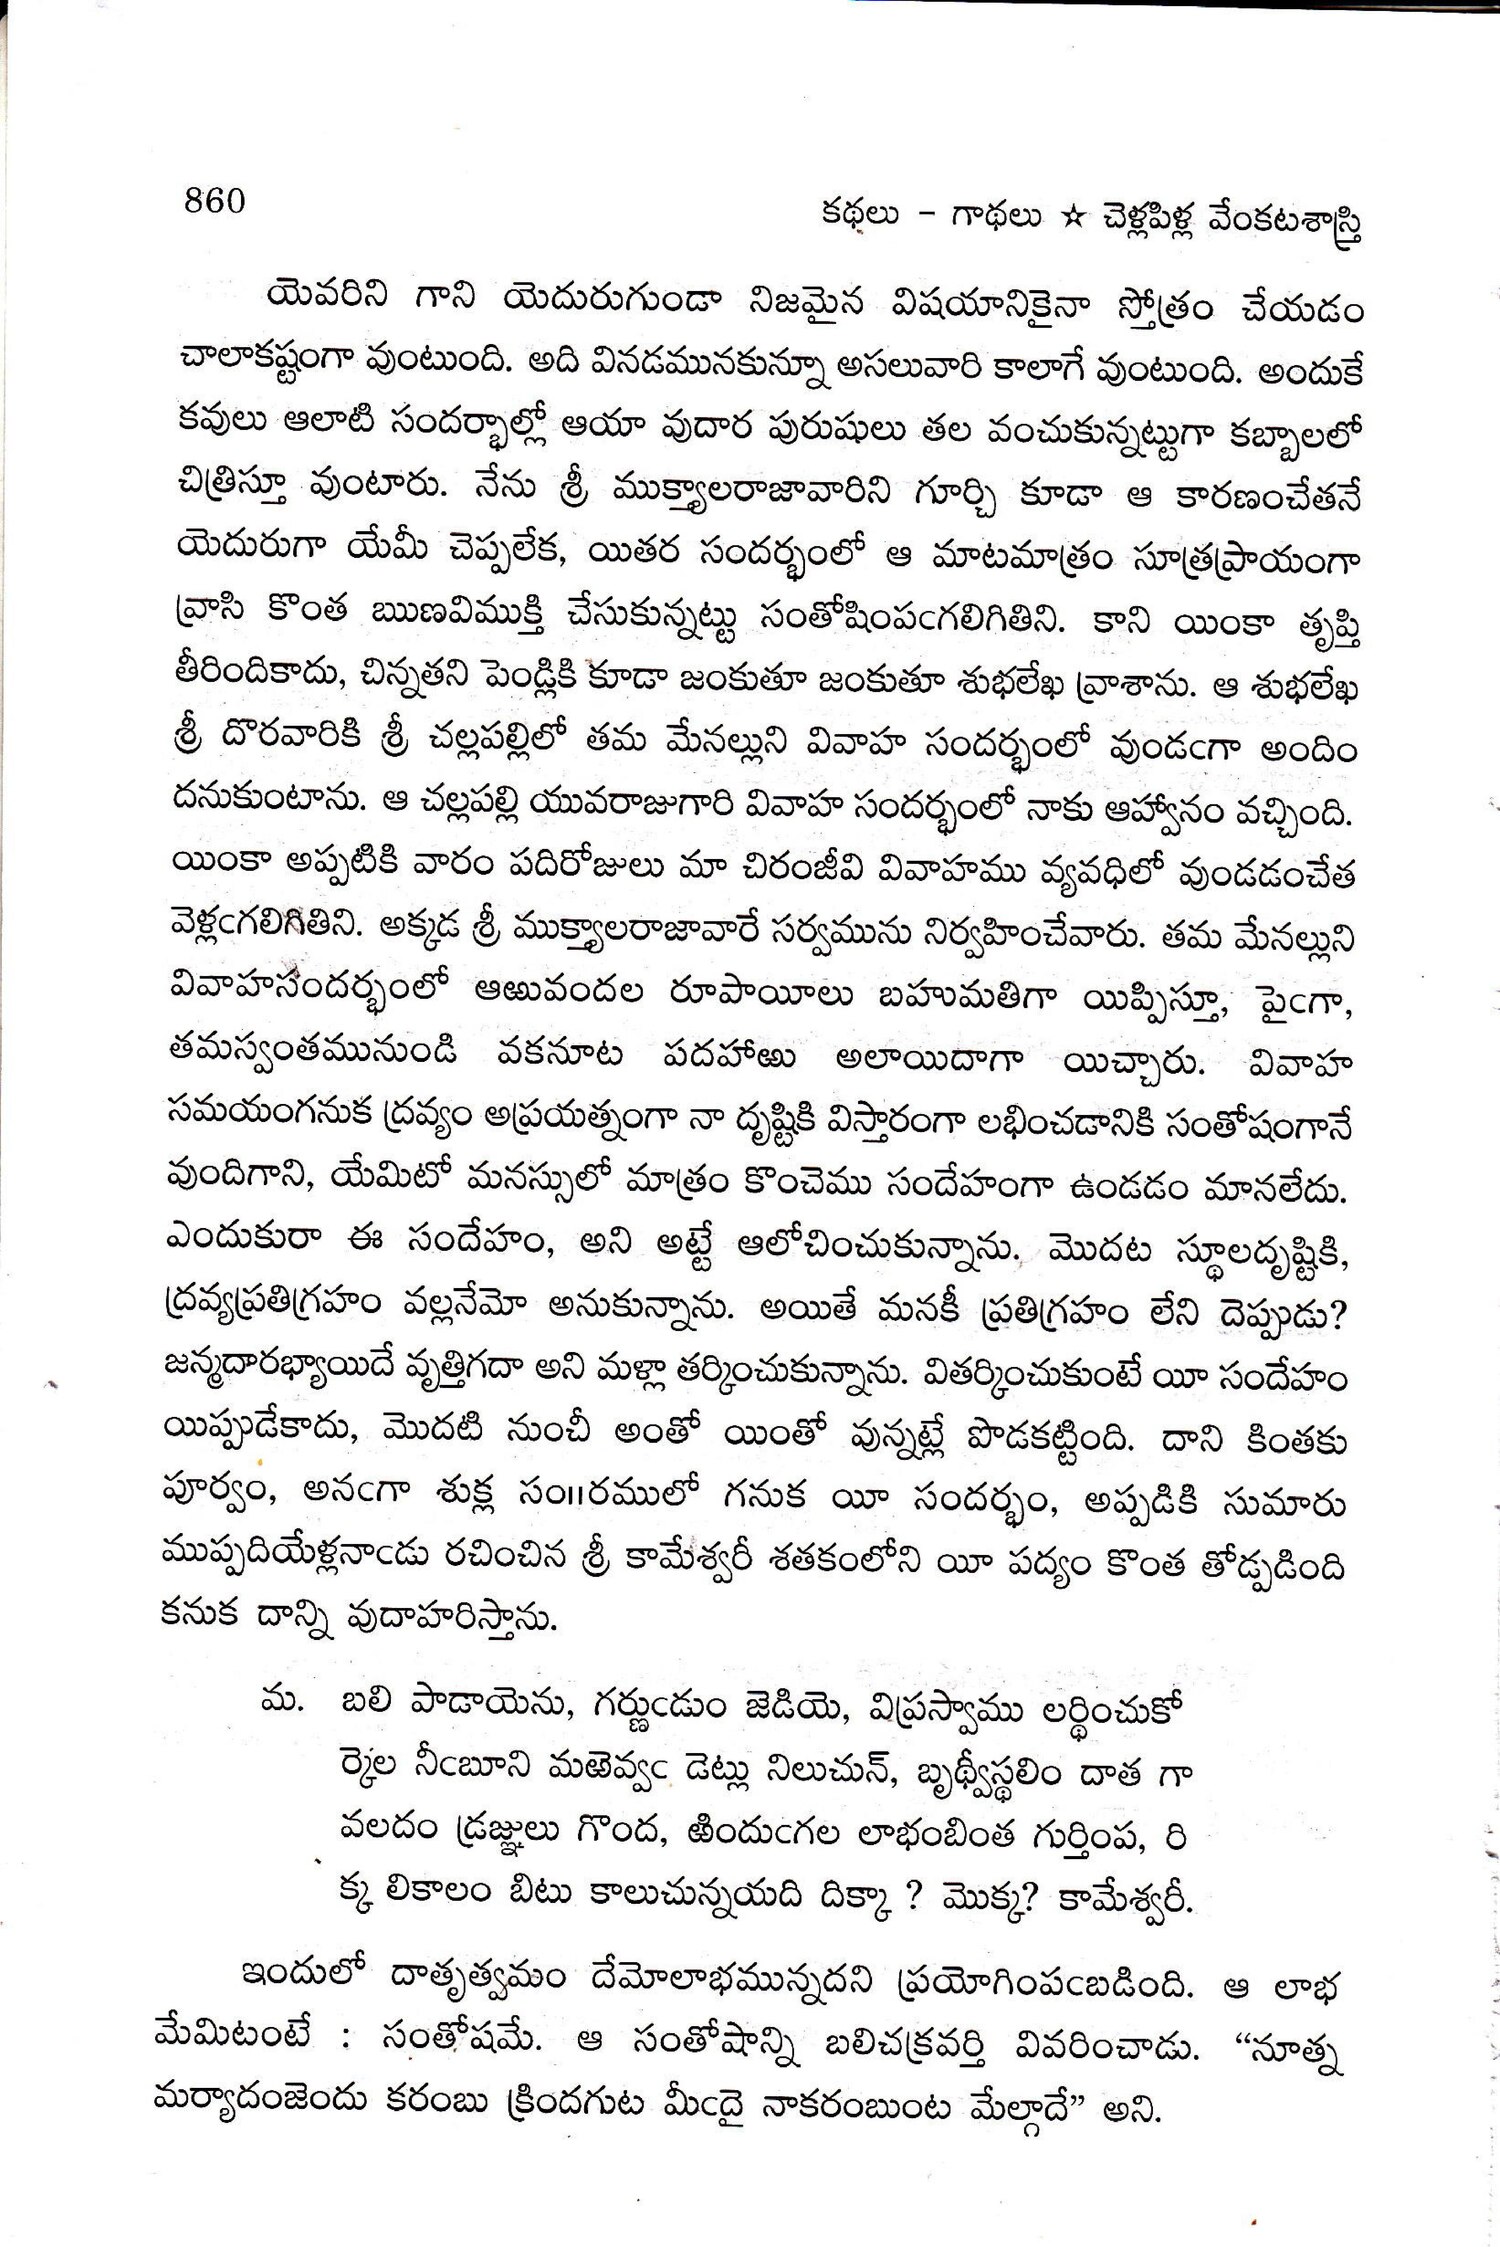యెవరిని గాని యెదురుగుండా నిజమైన విషయానికైనా స్తోత్రం చేయడం చాలాకష్టంగా వుంటుంది. అది వినడమునకున్నూ అసలువారి కాలాగే వుంటుంది. అందుకే కవులు ఆలాటి సందర్భాల్లో ఆయా వుదార పురుషులు తల వంచుకున్నట్టుగా కబ్బాలలో చిత్రిస్తూ వుంటారు. నేను శ్రీ ముక్త్యాలరాజావారిని గూర్చి కూడా ఆ కారణంచేతనే యెదురుగా యేమీ చెప్పలేక, యితర సందర్భంలో ఆ మాటమాత్రం సూత్రప్రాయంగా వ్రాసి కొంత ఋణవిముక్తి చేసుకున్నట్టు సంతోషింపఁగలిగితిని. కాని యింకా తృప్తి తీరిందికాదు, చిన్నతని పెండ్లికి కూడా జంకుతూ జంకుతూ శుభలేఖ వ్రాశాను. ఆ శుభలేఖ శ్రీ దొరవారికి శ్రీ చల్లపల్లిలో తమ మేనల్లుని వివాహ సందర్భంలో వుండఁగా అందిం దనుకుంటాను. ఆ చల్లపల్లి యువరాజుగారి వివాహ సందర్భంలో నాకు ఆహ్వానం వచ్చింది. యింకా అప్పటికి వారం పదిరోజులు మా చిరంజీవి వివాహము వ్యవధిలో వుండడంచేత వెళ్లఁగలిగితిని. అక్కడ శ్రీ ముక్త్యాలరాజావారే సర్వమును నిర్వహించేవారు. తమ మేనల్లుని వివాహసందర్భంలో ఆఱువందల రూపాయీలు బహుమతిగా యిప్పిస్తూ, పైఁగా, తమస్వంతమునుండి వకనూట పదహాఱు అలాయిదాగా యిచ్చారు. వివాహ సమయంగనుక ద్రవ్యం అప్రయత్నంగా నా దృష్టికి విస్తారంగా లభించడానికి సంతోషంగానే వుందిగాని, యేమిటో మనస్సులో మాత్రం కొంచెము సందేహంగా ఉండడం మానలేదు. ఎందుకురా ఈ సందేహం, అని అట్టే ఆలోచించుకున్నాను. మొదట స్థూలదృష్టికి, ద్రవ్యప్రతిగ్రహం వల్లనేమో అనుకున్నాను. అయితే మనకీ ప్రతిగ్రహం లేని దెప్పుడు? జన్మదారభ్యాయిదే వృత్తిగదా అని మళ్లా తర్కించుకున్నాను. వితర్కించుకుంటే యీ సందేహం యిప్పుడేకాదు, మొదటి నుంచీ అంతో యింతో వున్నట్లే పొడకట్టింది. దాని కింతకు పూర్వం, అనఁగా శుక్ల సం||రములో గనుక యీ సందర్భం, అప్పడికి సుమారు ముప్పదియేళ్లనాఁడు రచించిన శ్రీ కామేశ్వరీ శతకంలోని యీ పద్యం కొంత తోడ్పడింది కనుక దాన్ని వుదాహరిస్తాను.

మ. బలి పాడాయెను, గర్ణుఁడుం జెడియె, విప్రస్వాము లర్థించుకో 
 ర్కెల నీఁబూని మఱెవ్వఁ డెట్లు నిలుచున్, బృథ్వీస్థలిం దాత గా 
 వలదం డ్రజ్ఞులు గొంద, ఱిందుఁగల లాభంబింత గుర్తింప, రి
 క్క లికాలం బిటు కాలుచున్నయది దిక్కా ? మొక్క కామేశ్వరీ,
ఇందులో దాతృత్వమం దేమోలాభమున్నదని ప్రయోగింపఁబడింది. ఆ లాభ మేమిటంటే : సంతోషమే. ఆ సంతోషాన్ని బలిచక్రవర్తి వివరించాడు. “నూత్న మర్యాదంజెందు కరంబు క్రిందగుట మీఁదై నాకరంబుంట మేల్గాదే" అని.